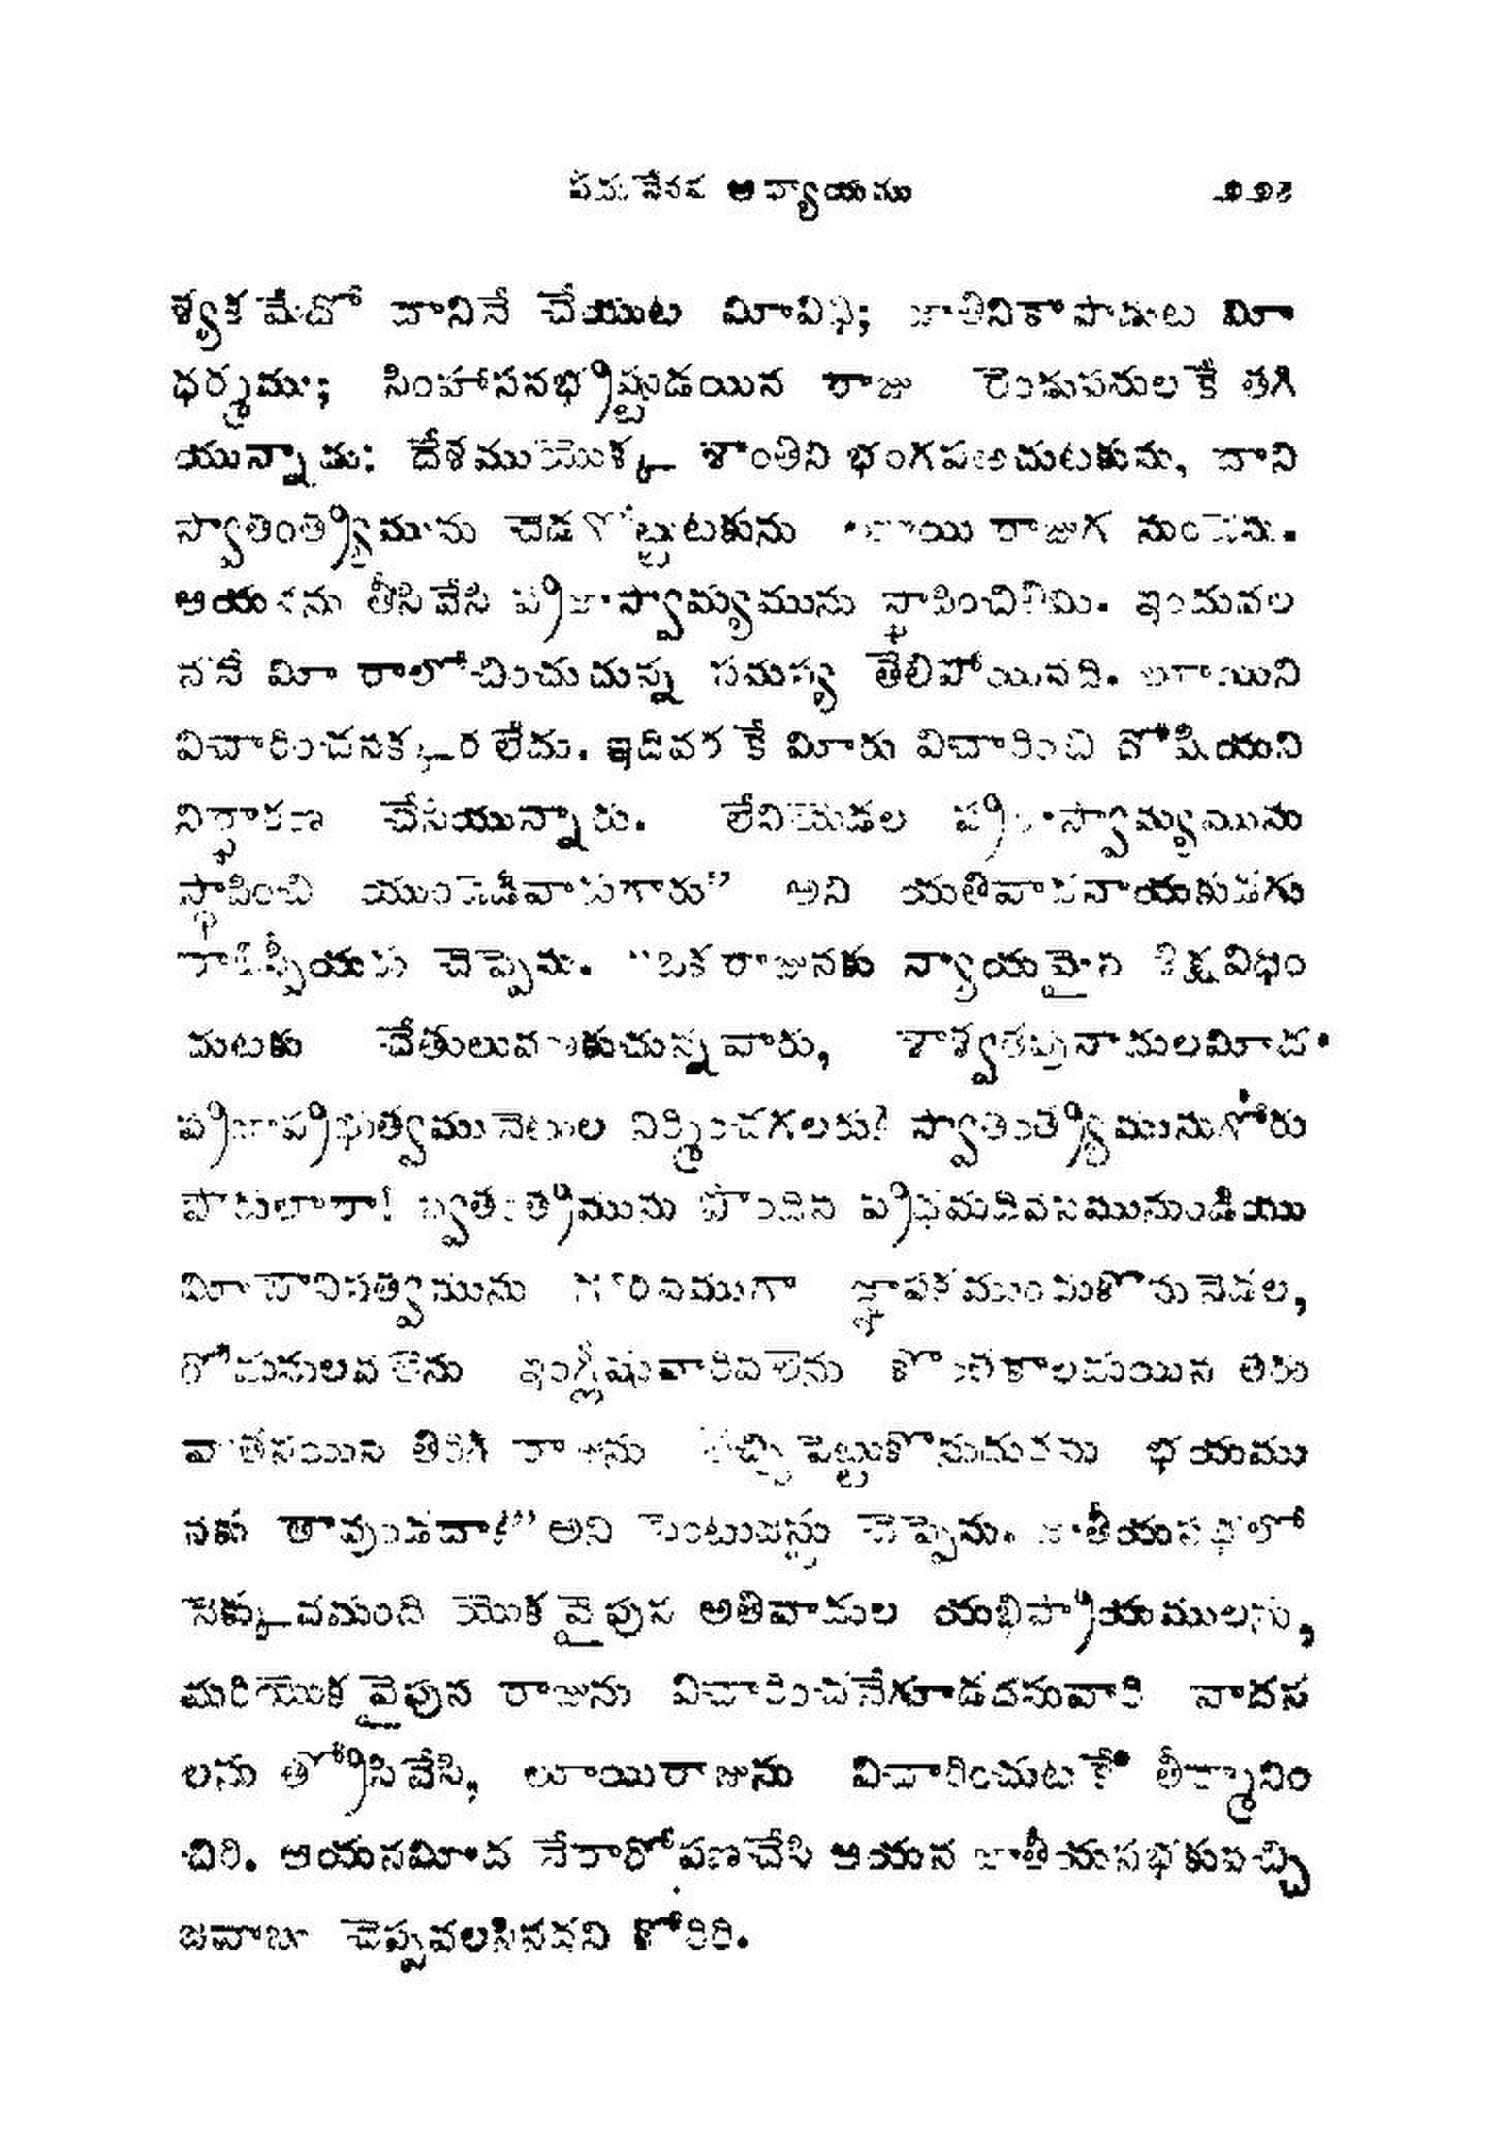శ్యక మేదో దానినే చేయుట మీవిధి. జాతిని కాపాడుట మీ
ధర్మము, సింహాసనభ్రష్టుడయిన రాజు చెడుపనులకే తగి
యున్నాడు; దేశము యొక్క శాంతిని భంగపంచుటకును, దాని
స్వాతంత్యమును చెడగొట్టుటకును లూయి రాజుగ నుండెను..
ఆయనను తీసివేసి ప్రజా స్వామ్యమును స్థాపించితిమి. ఇందువల
ననే మీ రాలోచించుచున్న సమస్య తేలిపోయినది. లూయీని
విచారించనక్కర లేదు. ఇదివరకే మీరు విచారించి దోషియని
నిర్ధారణ చేసియున్నారు. లేని యెడల ప్రజాస్వామ్య మును
స్థాపించి యుండెడివారు గారు " అని అతి వాద నాయకుడగు 
రాబిస్పీయరు చెప్పెను. "ఒక రాజునకు న్యాయమైన శిక్షవిదిం
చుటకు చేతులువణుకుచున్న వారు, శాశ్వతపు పునాదులమీద 
ప్రజా ప్రభుత్వము నెటుల నిర్మించగలరు. స్వాతంత్రముసు గోరు
పౌరులారా! స్వంతంత్రముసు పొందిన ప్రధమ దివశము నుండియు
మీ బానిసత్వమును గౌరవముగా గ్నాపక ముంచు కొను నెడల 
రోమనుల వలెను ఇంగ్లీషు వారివలెను కొంత కాలముయిన తరు
వాత నయిన తిరిగి రాజును తెచ్చి పెట్టు కొనుదురను భయము 
నకు తావుండదా? అని సెంటు దస్టు చెప్పెను. జాతీయ సభలో 
నెక్కువమంది యొక వైపున అతివాదుల యభిప్రాయములను 
మరియొక వైపున రాజును విచారించనే గూడదను వారి వాదనలను 
త్రోసివేసి, లూయీ రాజును విచారించుటకే తీర్మానించిరి. ఆయన మీద
నేరారోపణ చేసి ఆయన జాతీయ సభకు వచ్చి జవాబు చెప్పవలసినదని కోరిరి.